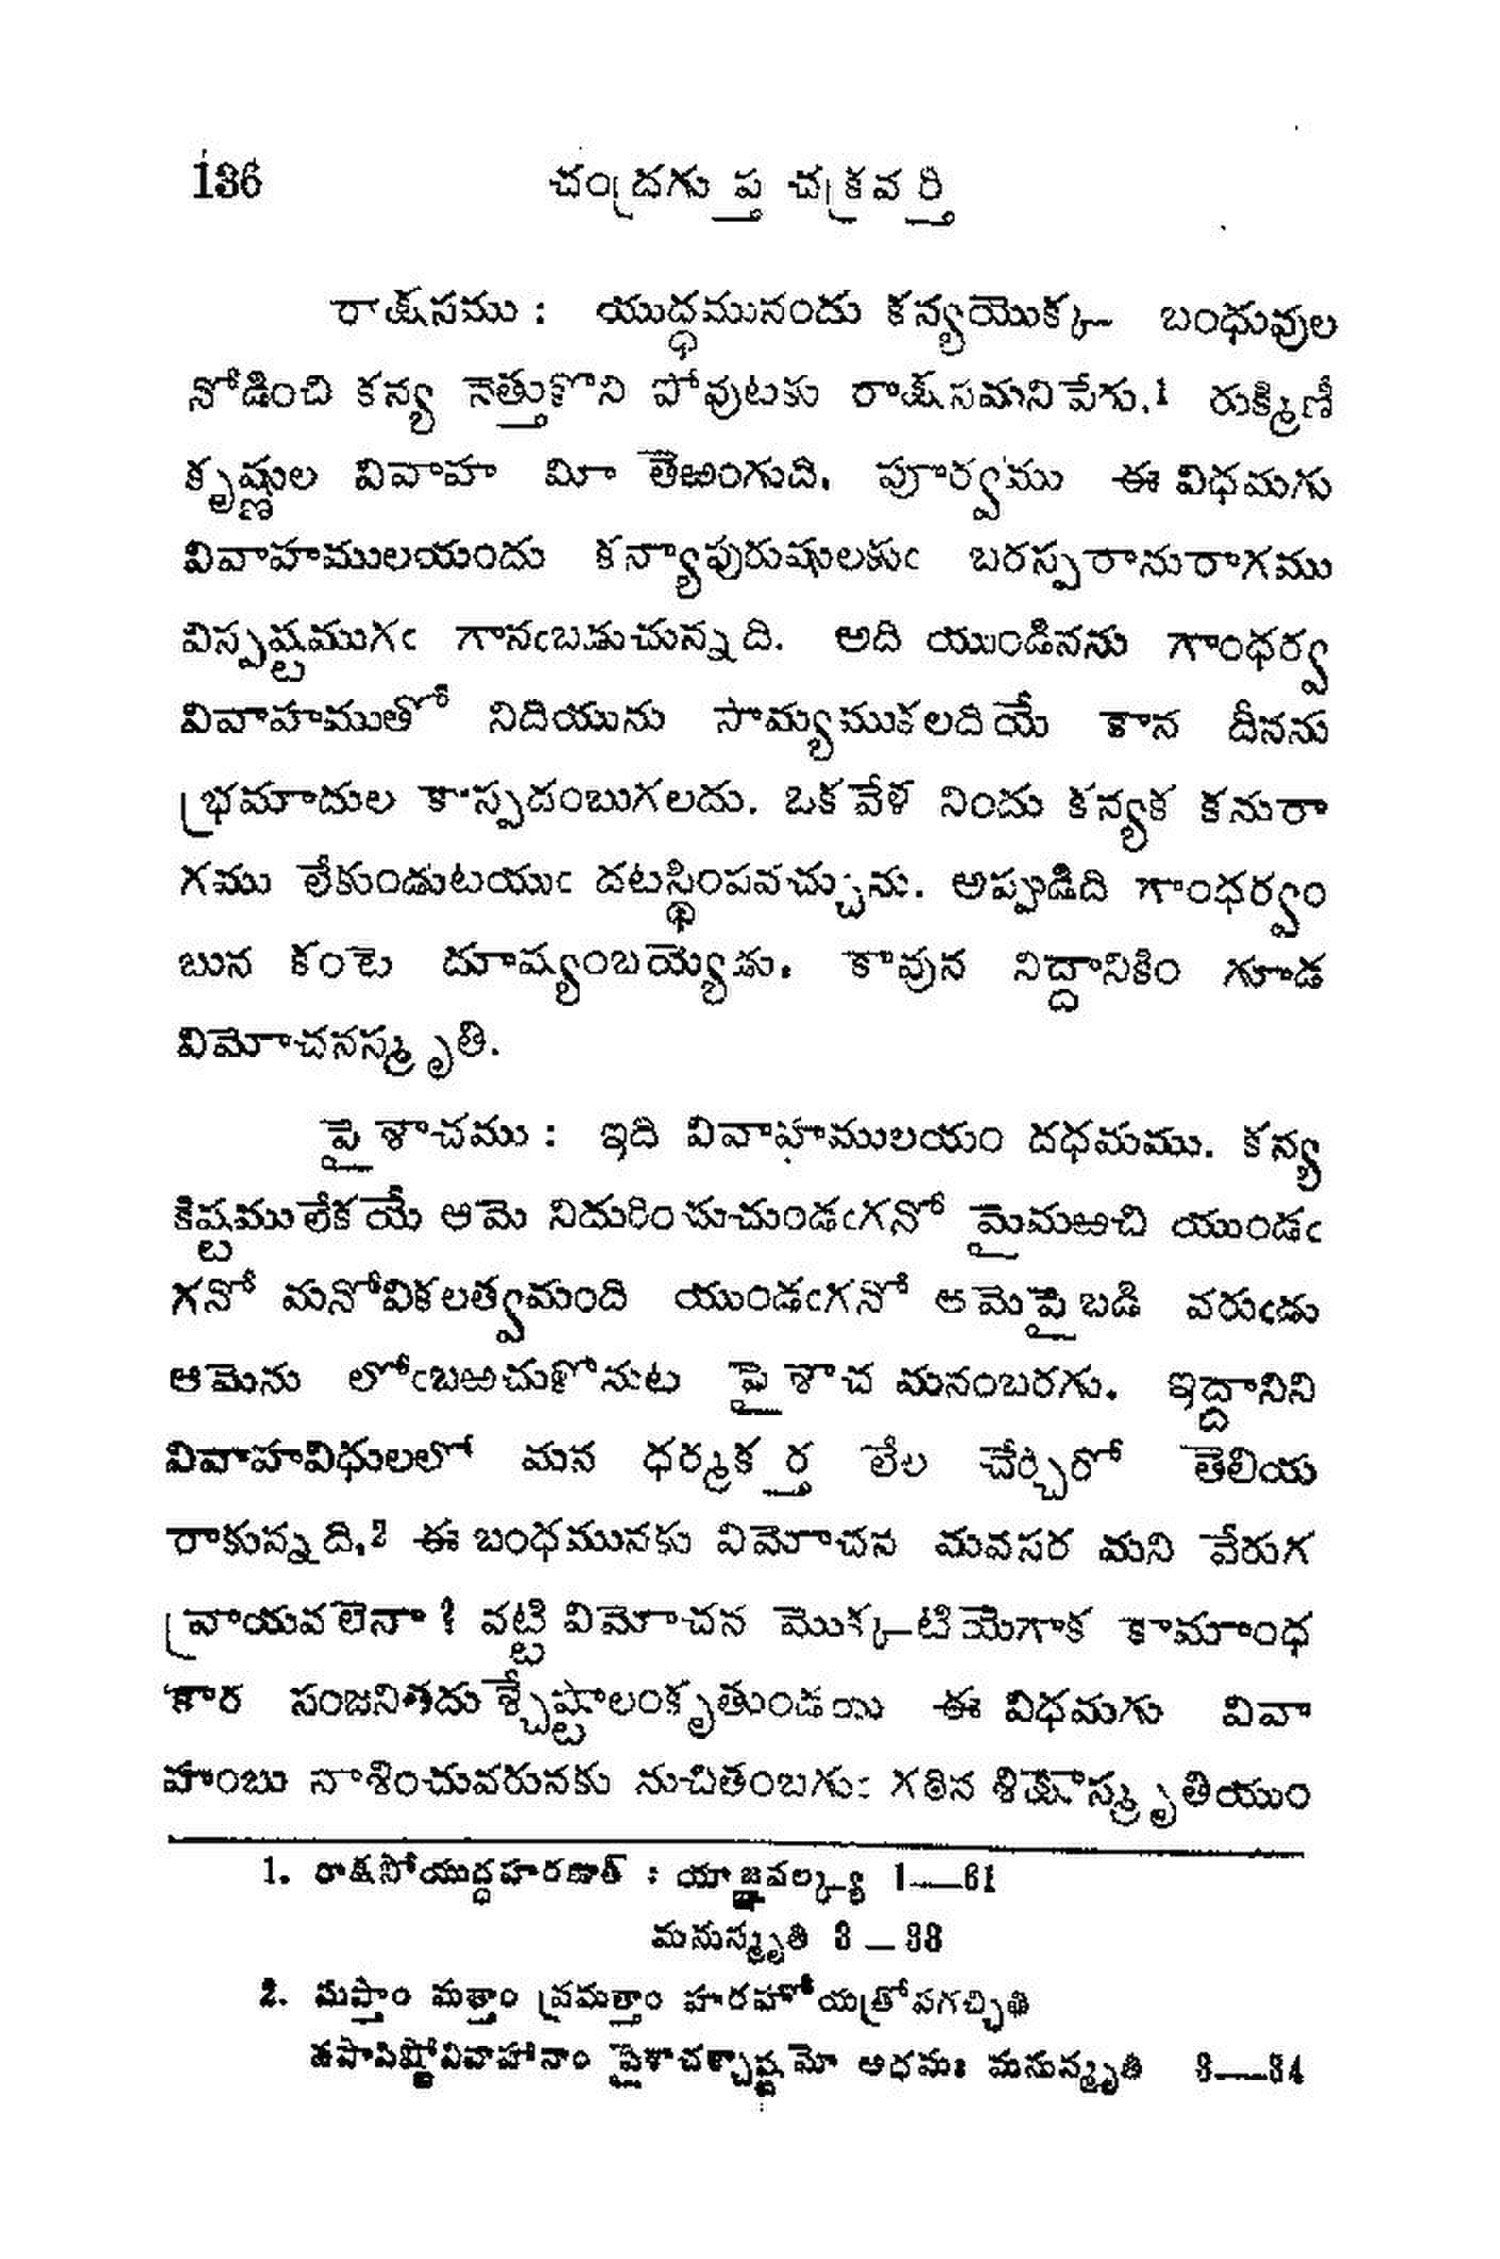రాక్షసము : యుద్ధమునందు కన్యయొక్క బంధువుల నోడించి కన్య నెత్తుకొని పోవుటకు రాక్షసమని పేరు. 1 రుక్మిణీ కృష్ణుల వివాహ మీ తెఱంగుది. పూర్వము ఈ విధమగు వివాహములయందు కన్యాపురుషులకుఁ బరస్పరానురాగము విస్పష్టముగఁ గానఁబడుచున్నది. అది యుండినను గాంధర్వ వివాహముతో నిదియును సామ్యముకలదియే కాన దీనను భ్రమాదుల కాస్పదంబుగలదు. ఒక వేళ నిందు కన్యక కనురాగము లేకుండుటయుఁ దటస్థింపవచ్చును. అప్పుడిది గాంధర్వంబున కంటె దూష్యంబయ్యెడు. కావున నిద్దానికిం గూడ విమోచనస్మృతి.

పైశాచము : ఇది వివాహములయం దధమము. కన్య కిష్టములేకయే ఆమె నిదురించుచుండఁగనో మైమఱచి యుండఁగనో మనోవికలత్వమంది యుండఁగనో ఆమెపైబడి వరుఁడు ఆమెను లోఁబఱచుకొనుట పైశాచ మనంబరగు. ఇద్దానిని వివాహవిధులలో మన ధర్మకర్త లేల చేర్చిరో తెలియ రాకున్నది. 2 ఈ బంధమునకు విమోచన మవసర మని వేరుగ వ్రాయవలెనా ! వట్టి విమోచన మొక్కటియెగాక కామాంధకార సంజనితదు శ్చేష్టాలంకృతుండయి ఈ విధమగు వివాహంబు నాశించువరునకు నుచితంబగుఁ గఠిన శిక్షాస్మృతియుం